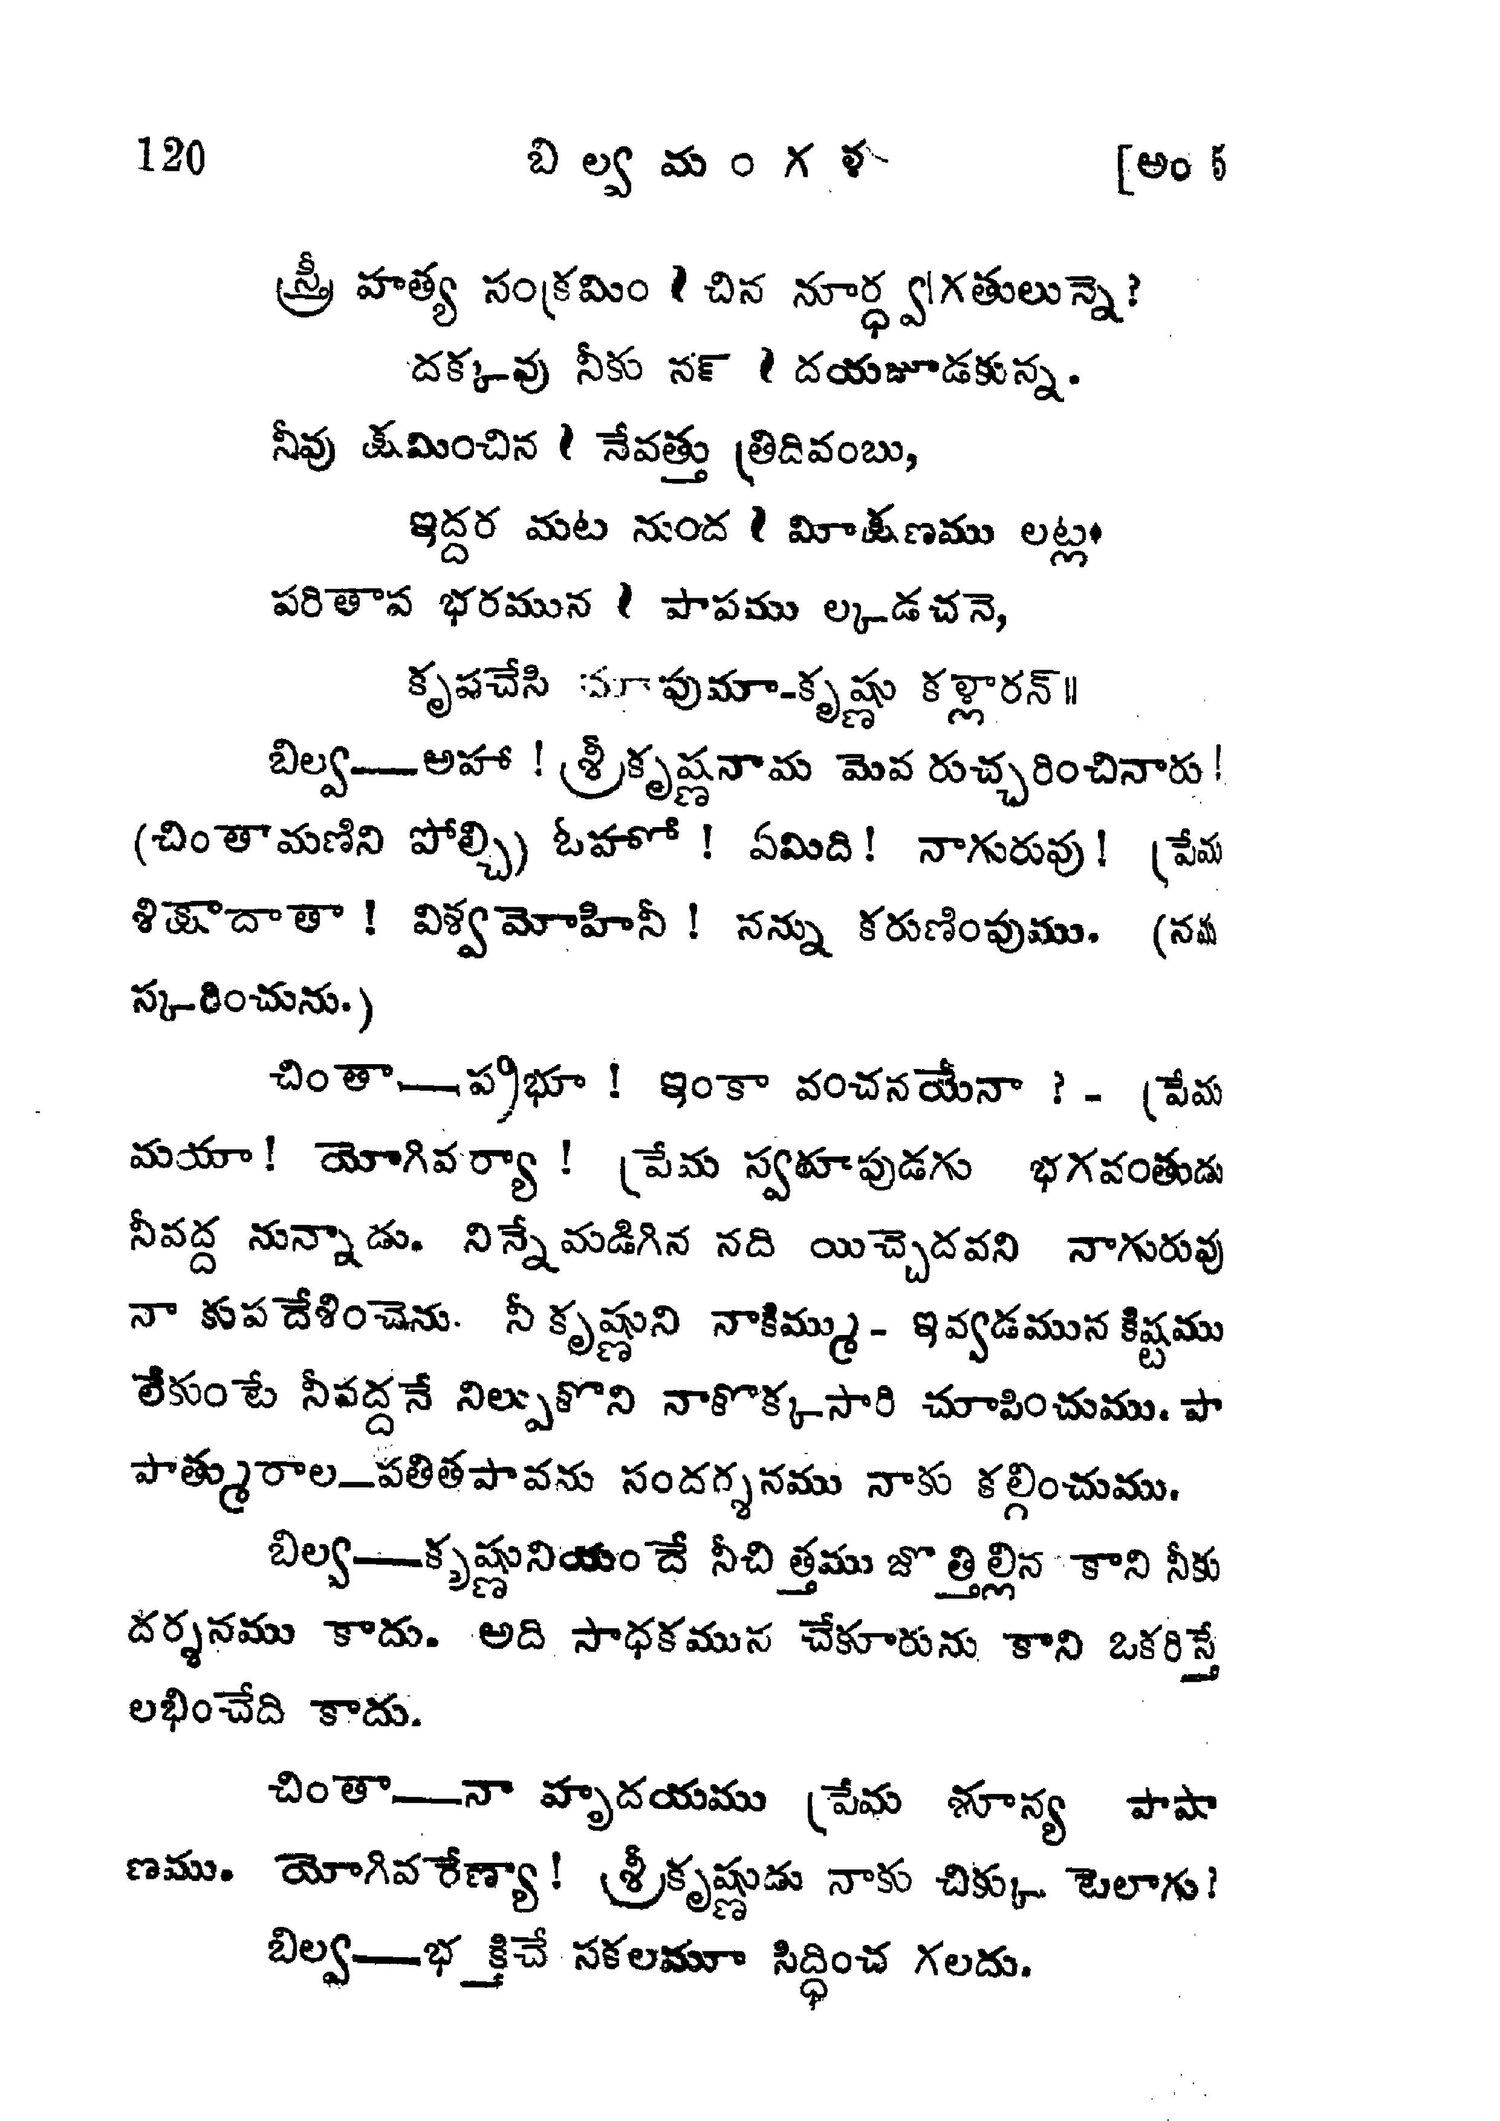స్త్రీ హత్య సంక్రమిం ♦ చిన నూర్ధ్వ!గతులున్నె?
 దక్కవు నీకు నన్ ♦ దయజూడకున్న.
 నీవు క్షమించిన ♦ నేవత్తు త్రిదివంబు,
 ఇద్దర మట నుంద ♦ మీక్షణము లట్ల.
 పరితాప భరమున ♦ పాపము ల్కడచనె,
 కృపచేసి చూపుమా-కృష్ణు కళ్లారన్||

బిల్వ - ఆహా ! శ్రీకృష్ణనామ మెవ రుచ్చరించినారు! (చింతామణిని పోల్చి) ఓహో! ఏమది! నాగురువు! ప్రేమశిక్షాదాతా! విశ్వమోహినీ! నన్ను కరుణింపుము. (నమస్కరించును.)

చింతా - ప్రభూ ! ఇంకా వంచనయేనా ? - ప్రేమ మయా! యోగివర్యా! ప్రేమ స్వరూపుడగు భగవంతుడు నీవద్ద నున్నాడు. నిన్నేమడిగిన నది యిచ్చెదవని నాగురువు నా కుపదేశించెను. నీకృష్ణుని నాకిమ్ము - ఇవ్వడమున కిష్టము లేకుంటే నీవద్దనే నిల్పుకొని నాకొక్కసారి చూపించుము. పాపాత్మురాల - పతితపావను సందర్శనము నాకు కల్గించుము.

బిల్వ - కృష్ణునియందే నీచిత్తము జొత్తిల్లిన కాని నీకు దర్శనము కాదు. అది సాధకమున చేకూరును కాని ఒకరిస్తే లభించేది కాదు.

చింతా - నా హృదయము ప్రేమ శూన్య పాషాణము. యోగివరేణ్యా! శ్రీకృష్ణుడు నాకు చిక్కు టెలాగు?

బిల్వ - భక్తిచే సకలమూ సిద్ధించ గలదు.